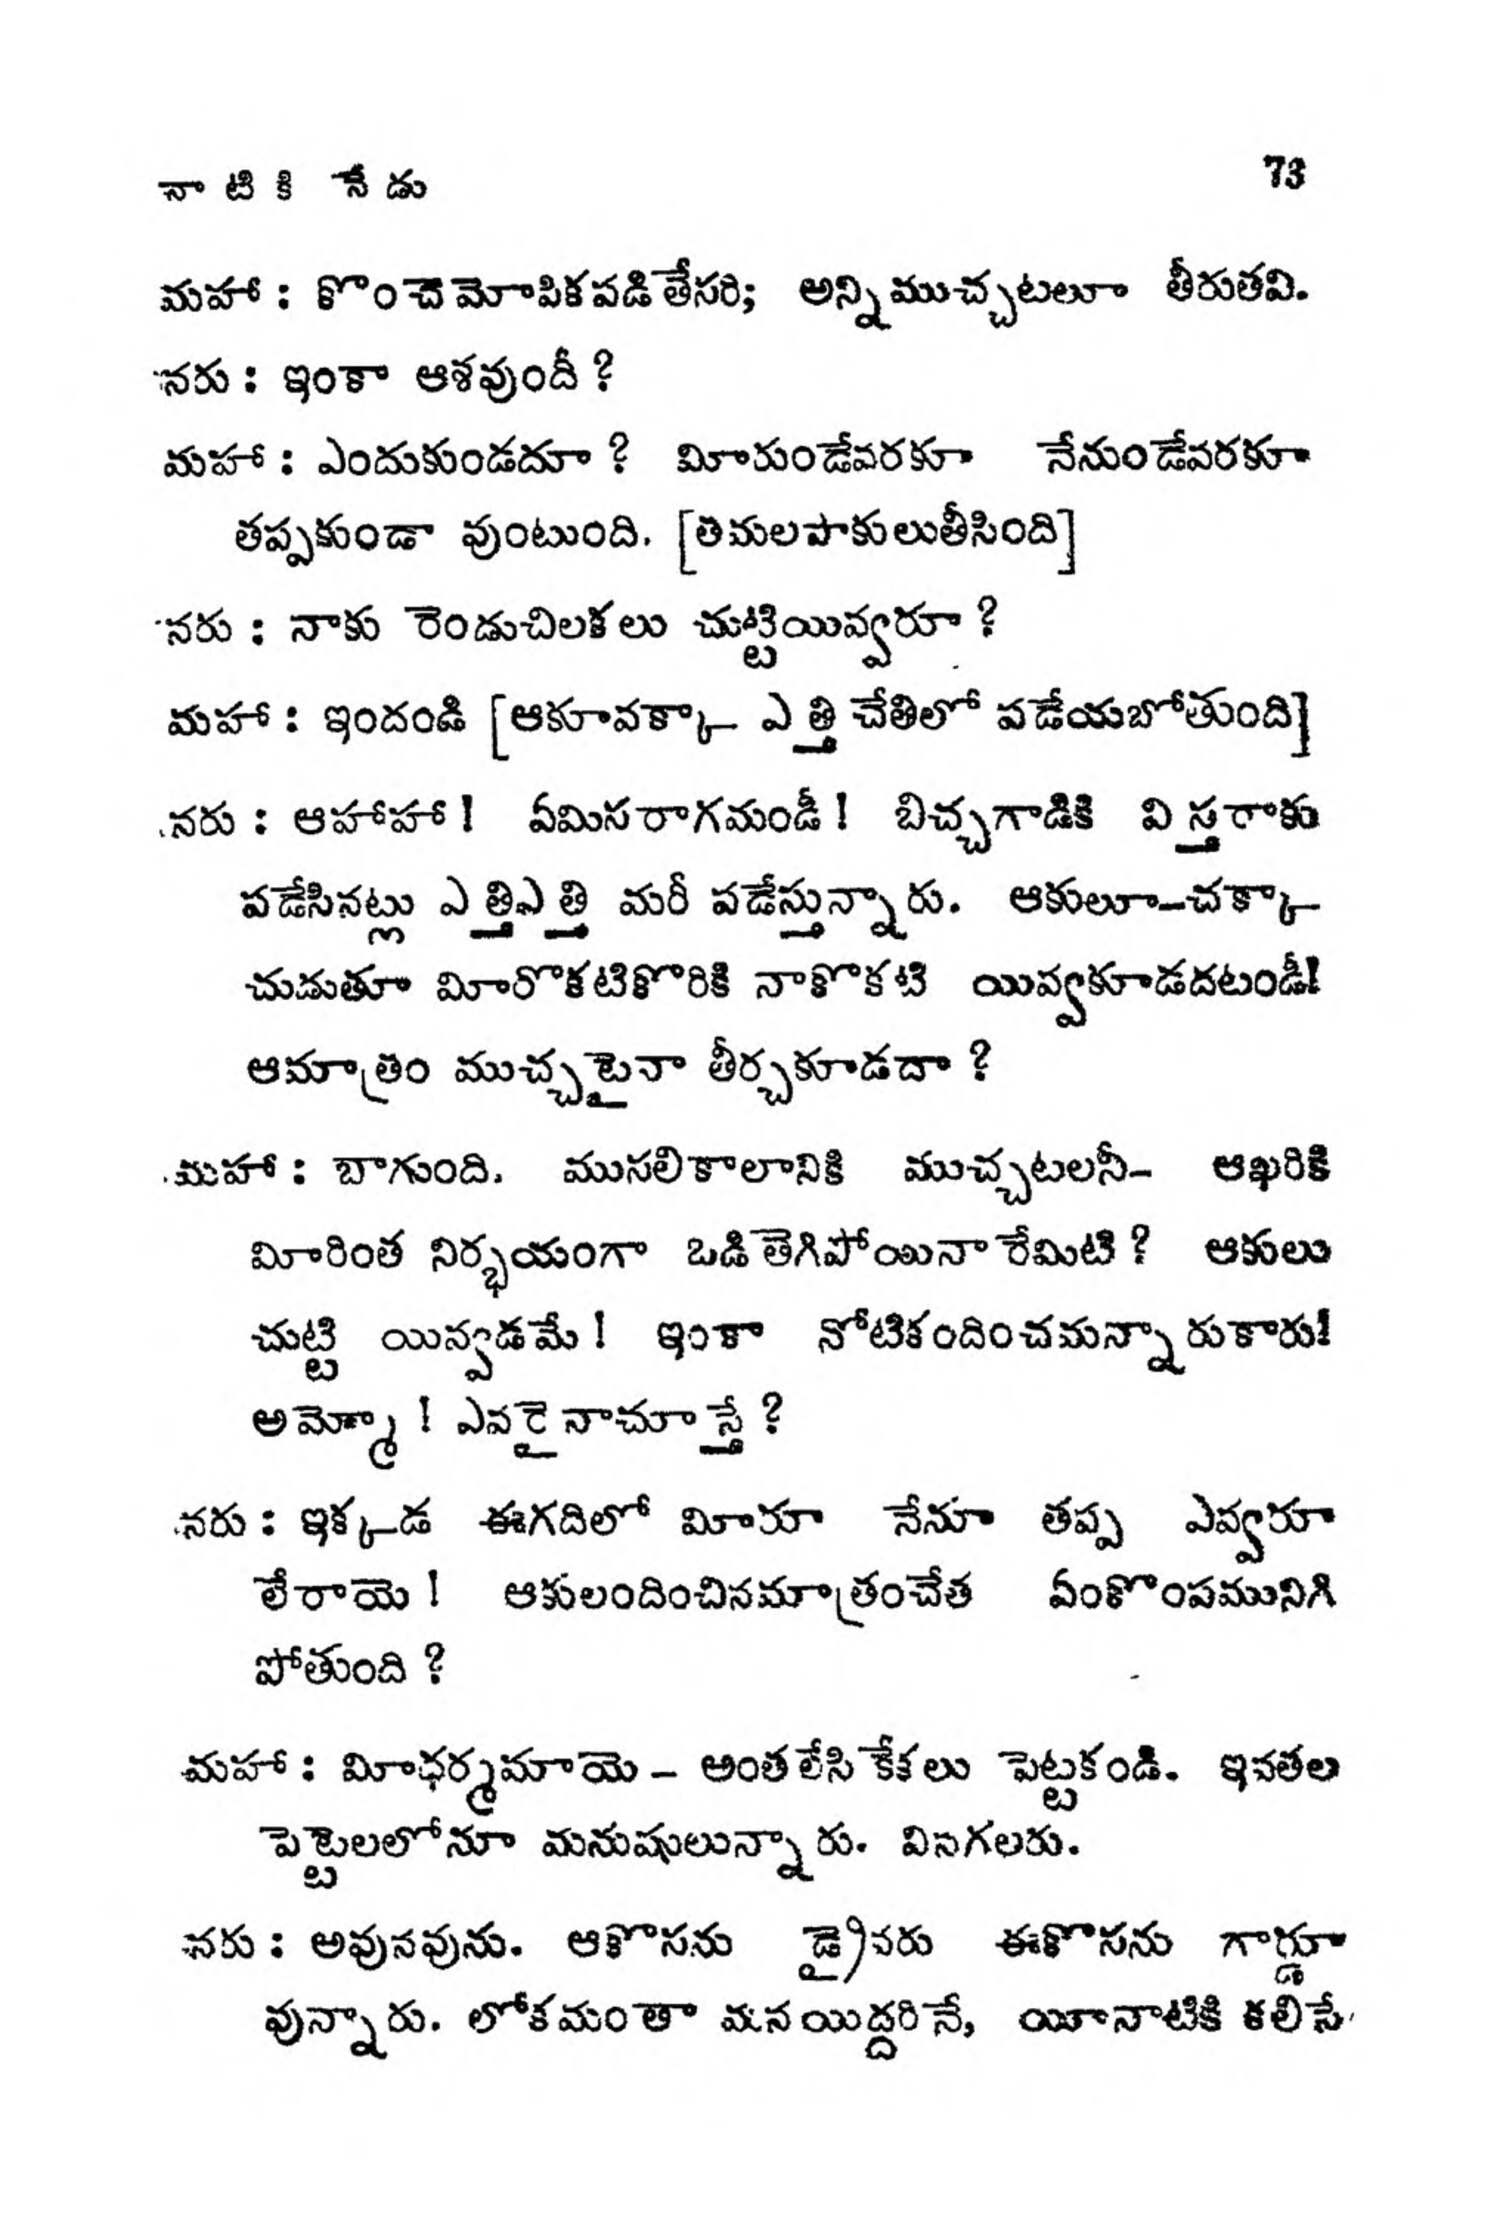మహా : కొంచెమోపికపడితేసరి; అన్ని ముచ్చటలూ తీరుతవి.

నరు : ఇంకా ఆశవుందీ ?

మహా : ఎందుకుండదూ? మీరుండేవరకూ నేనుండేవరకూ తప్పకుండా వుంటుంది. [తమలపాకులుతీసింది]

నరు : నాకు రెండుచిలకలు చుట్టియివ్వరూ?

మహా : ఇందండి [ఆకూవక్కా ఎత్తి చేతిలో పడేయబోతుంది]

నరు : ఆహాహా ! ఏమిసరాగమండీ! బిచ్చగాడికి విస్తరాకు పడేసినట్లు ఎత్తిఎత్తి మరీ పడేస్తున్నారు. ఆకులూ-చక్కా
చుడుతూ మీరొకటికొరికి నాకొకటి యివ్వకూడదటండీ! ఆమాత్రం ముచ్చటైనా తీర్చకూడదా ?

మహా : బాగుంది. ముసలికాలానికి ముచ్చటలనీ - ఆఖరికి మీరింత నిర్భయంగా ఒడితెగిపోయినా రేమిటి? ఆకులు
చుట్టి యివ్వడమే! ఇంకా నోటికందించుమన్నారుకారు! అమ్మో! ఎవరైనాచూస్తే ?

నరు : ఇక్కడ ఈగదిలో మీరూ నేనూ తప్ప ఎవ్వరూ లేరాయె ! ఆకులందించినమాత్రంచేత ఏంకొంపమునిగి పోతుంది?

మహా : విూధర్మమాయె – అంతలేసికేకలు పెట్టకండి. ఇవతల పెట్టెలలోనూ మనుషులున్నారు. వినగలరు.

నరు : అవునవును. ఆకొసను డ్రైవరు ఈకొసను గార్డూ వున్నారు. లోకమంతా మన యిద్దరినే, యీనాటికి కలిసే